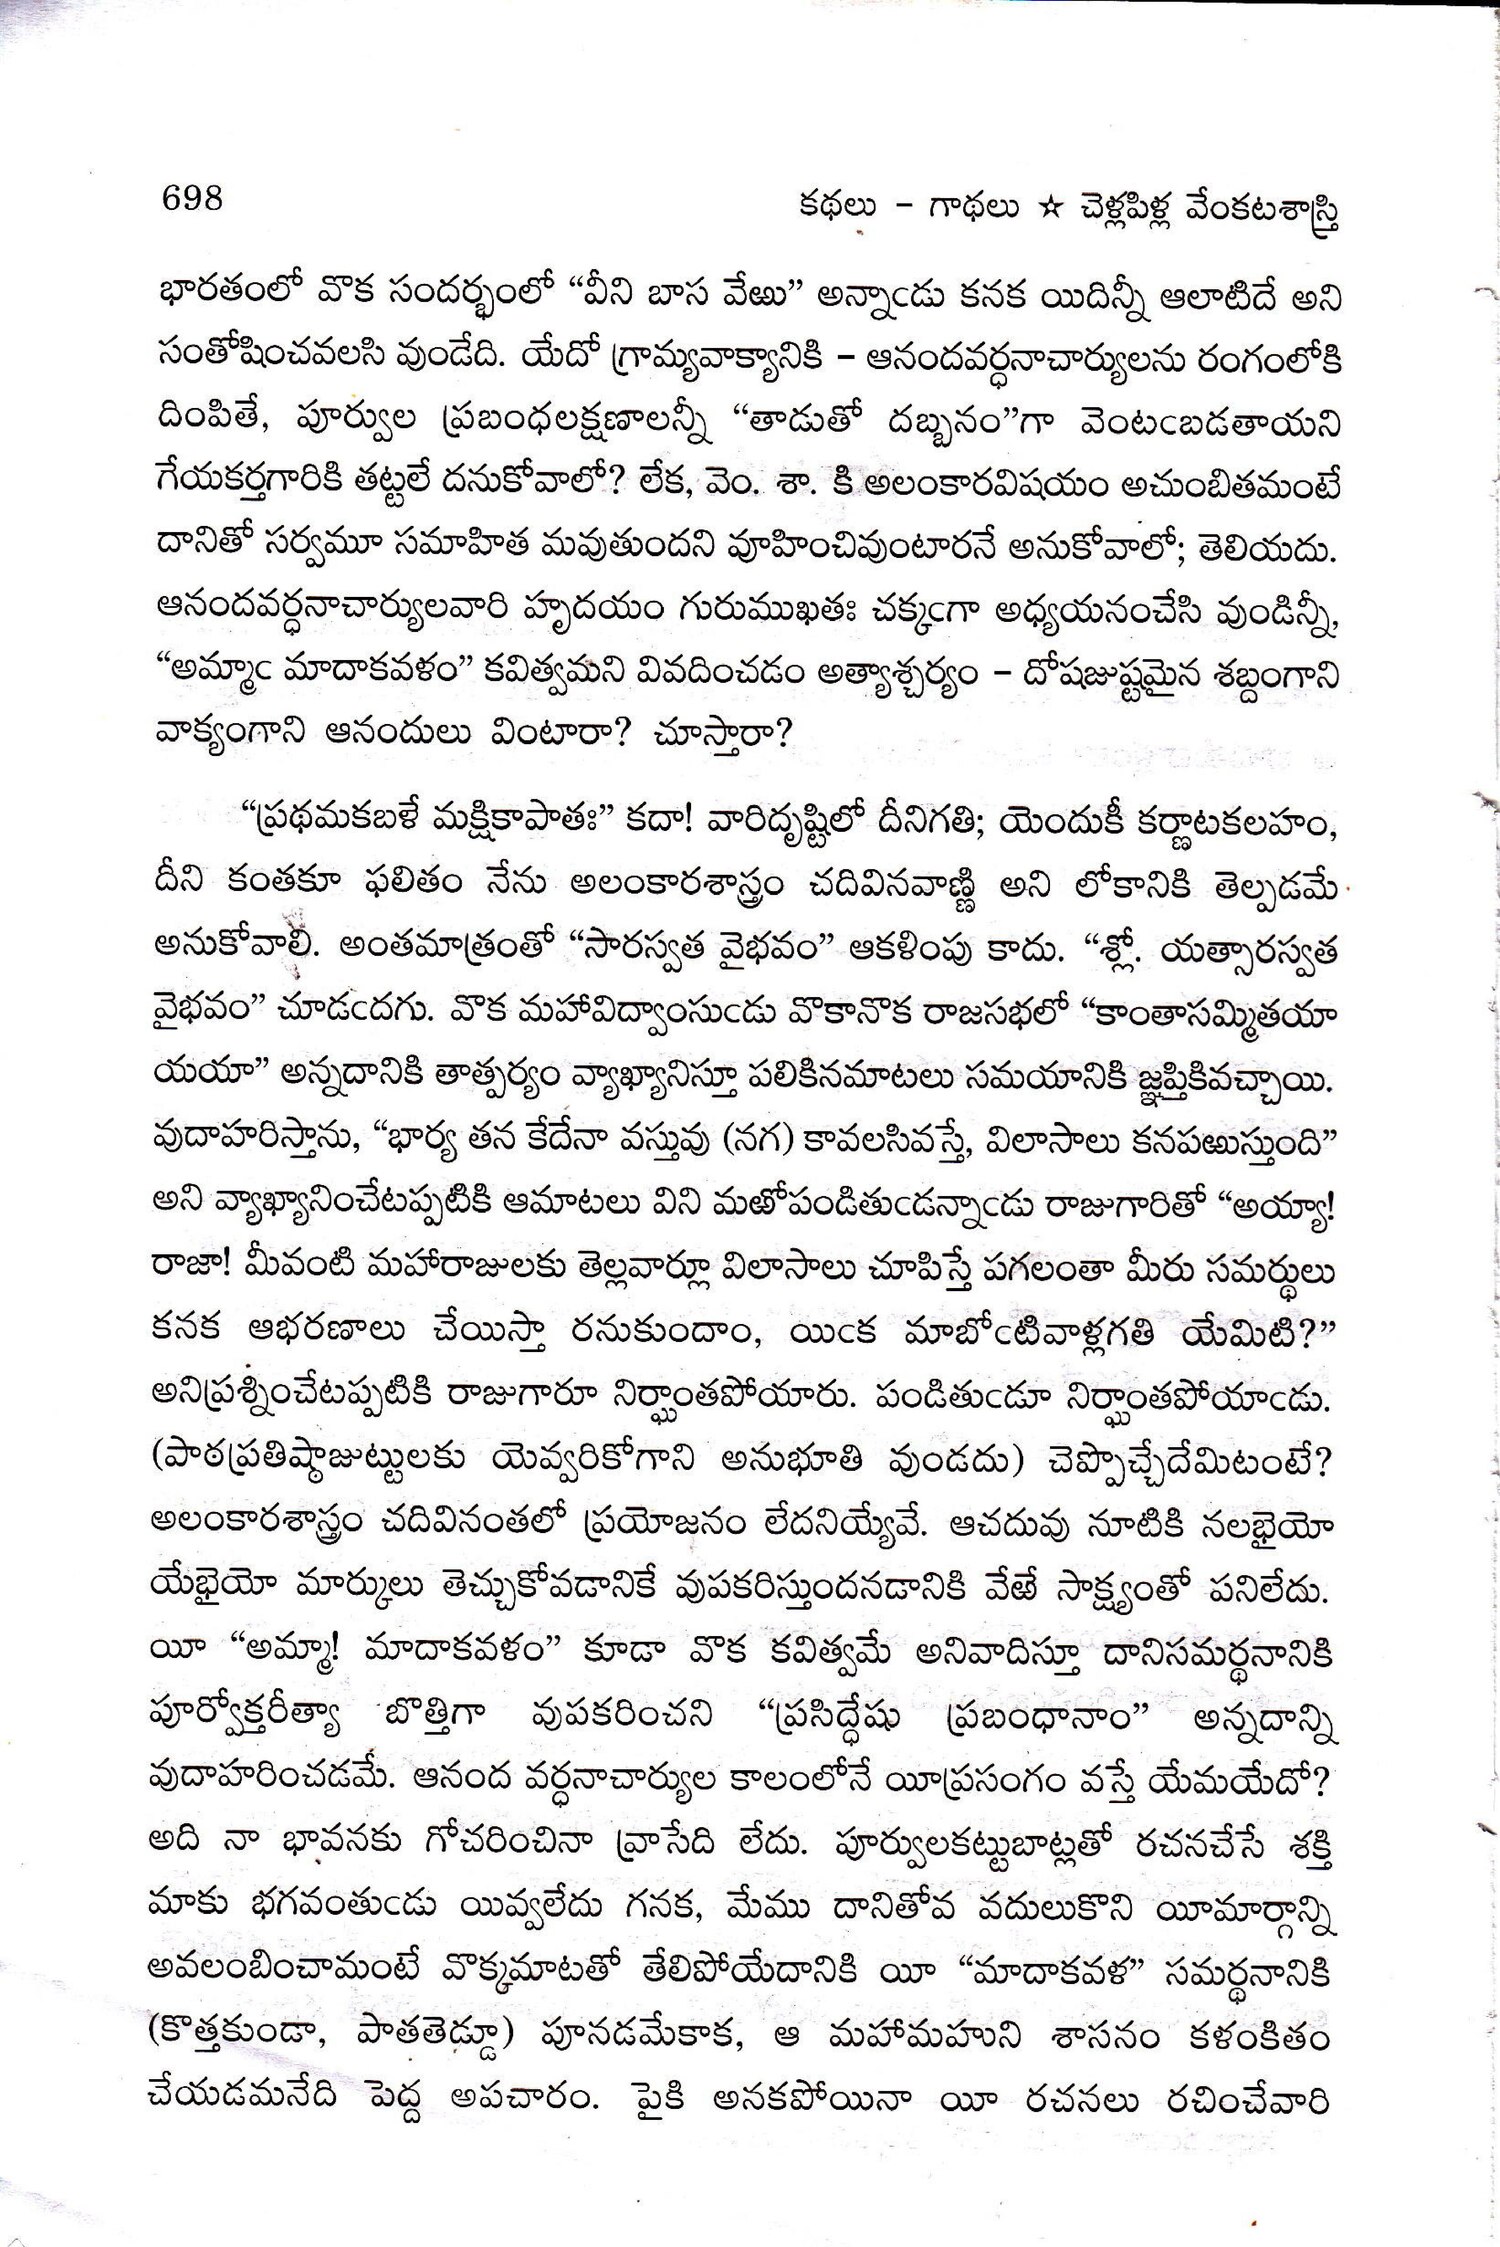భారతంలో వొక సందర్భంలో “వీని బాస వేఱు" అన్నాఁడు కనక యిదిన్నీ ఆలాటిదే అని సంతోషించవలసి వుండేది. యేదో గ్రామ్యవాక్యానికి - ఆనందవర్ధనాచార్యులను రంగంలోకి దింపితే, పూర్వుల ప్రబంధలక్షణాలన్నీ “తాడుతో దబ్బనం"గా వెంటఁబడతాయని గేయకర్తగారికి తట్టలే దనుకోవాలో? లేక, వెం. శా. కి అలంకారవిషయం అచుంబితమంటే దానితో సర్వమూ సమాహిత మవుతుందని వూహించివుంటారనే అనుకోవాలో; తెలియదు. ఆనందవర్ధనాచార్యులవారి హృదయం గురుముఖతః చక్కఁగా అధ్యయనంచేసి వుండిన్నీ “అమ్మాఁ మాదాకవళం" కవిత్వమని వివదించడం అత్యాశ్చర్యం - దోషజుష్టమైన శబ్దంగాని వాక్యంగాని ఆనందులు వింటారా? చూస్తారా?

“ప్రథమకబళే మక్షికాపాతః" కదా! వారిదృష్టిలో దీనిగతి; యెందుకీ కర్ణాటకలహం, దీని కంతకూ ఫలితం నేను అలంకారశాస్త్రం చదివినవాణ్ణి అని లోకానికి తెల్పడమే అనుకోవాలి. అంతమాత్రంతో "సారస్వత వైభవం" ఆకళింపు కాదు. "శ్లో యత్సారస్వత వైభవం" చూడఁదగు వొక మహావిద్వాంసుఁడు వొకానొక రాజసభలో "కాంతాసమ్మితయా యయా" అన్నదానికి తాత్పర్యం వ్యాఖ్యానిస్తూ పలికినమాటలు సమయానికి జ్ఞప్తికివచ్చాయి. వుదాహరిస్తాను, “భార్య తన కేదేనా వస్తువు (నగ) కావలసివస్తే, విలాసాలు కనపఱుస్తుంది" అని వ్యాఖ్యానించేటప్పటికి ఆమాటలు విని మఱోపండితుఁడన్నాఁడు రాజుగారితో “అయ్యా! రాజా! మీవంటి మహారాజులకు తెల్లవార్లూ విలాసాలు చూపిస్తే పగలంతా మీరు సమర్థులు కనక ఆభరణాలు చేయిస్తా రనుకుందాం, యిఁక మాబోఁటివాళ్లగతి యేమిటి?” అనిప్రశ్నించేటప్పటికి రాజుగారూ నిర్ఘాంతపోయారు. పండితుఁడూ నిర్ఘాంతపోయాఁడు. (పాఠప్రతిష్ఠాజుట్టులకు యెవ్వరికోగాని అనుభూతి వుండదు) చెప్పొచ్చేదేమిటంటే? అలంకారశాస్త్రం చదివినంతలో ప్రయోజనం లేదనియ్యేవే. ఆచదువు నూటికి నలభైయో యేభైయో మార్కులు తెచ్చుకోవడానికే వుపకరిస్తుందనడానికి వేఱే సాక్ష్యంతో పనిలేదు. యీ “అమ్మా! మాదాకవళం" కూడా వొక కవిత్వమే అనివాదిస్తూ దానిసమర్ధనానికి పూర్వోక్తరీత్యా బొత్తిగా వుపకరించని "ప్రసిద్దేషు ప్రబంధానాం” అన్నదాన్ని వుదాహరించడమే. ఆనంద వర్ధనాచార్యుల కాలంలోనే యీప్రసంగం వస్తే యేమయేదో? అది నా భావనకు గోచరించినా వ్రాసేది లేదు. పూర్వులకట్టుబాట్లతో రచనచేసే శక్తి మాకు భగవంతుఁడు యివ్వలేదు గనక, మేము దానితోవ వదులుకొని యీమార్గాన్ని అవలంబించామంటే వొక్కమాటతో తేలిపోయేదానికి యీ "మాదాకవళ" సమర్ధనానికి (కొత్తకుండా, పాతతెడ్డూ) పూనడమేకాక, ఆ మహామహుని శాసనం కళంకితం చేయడమనేది పెద్ద అపచారం. పైకి అనకపోయినా యీ రచనలు రచించేవారి
-